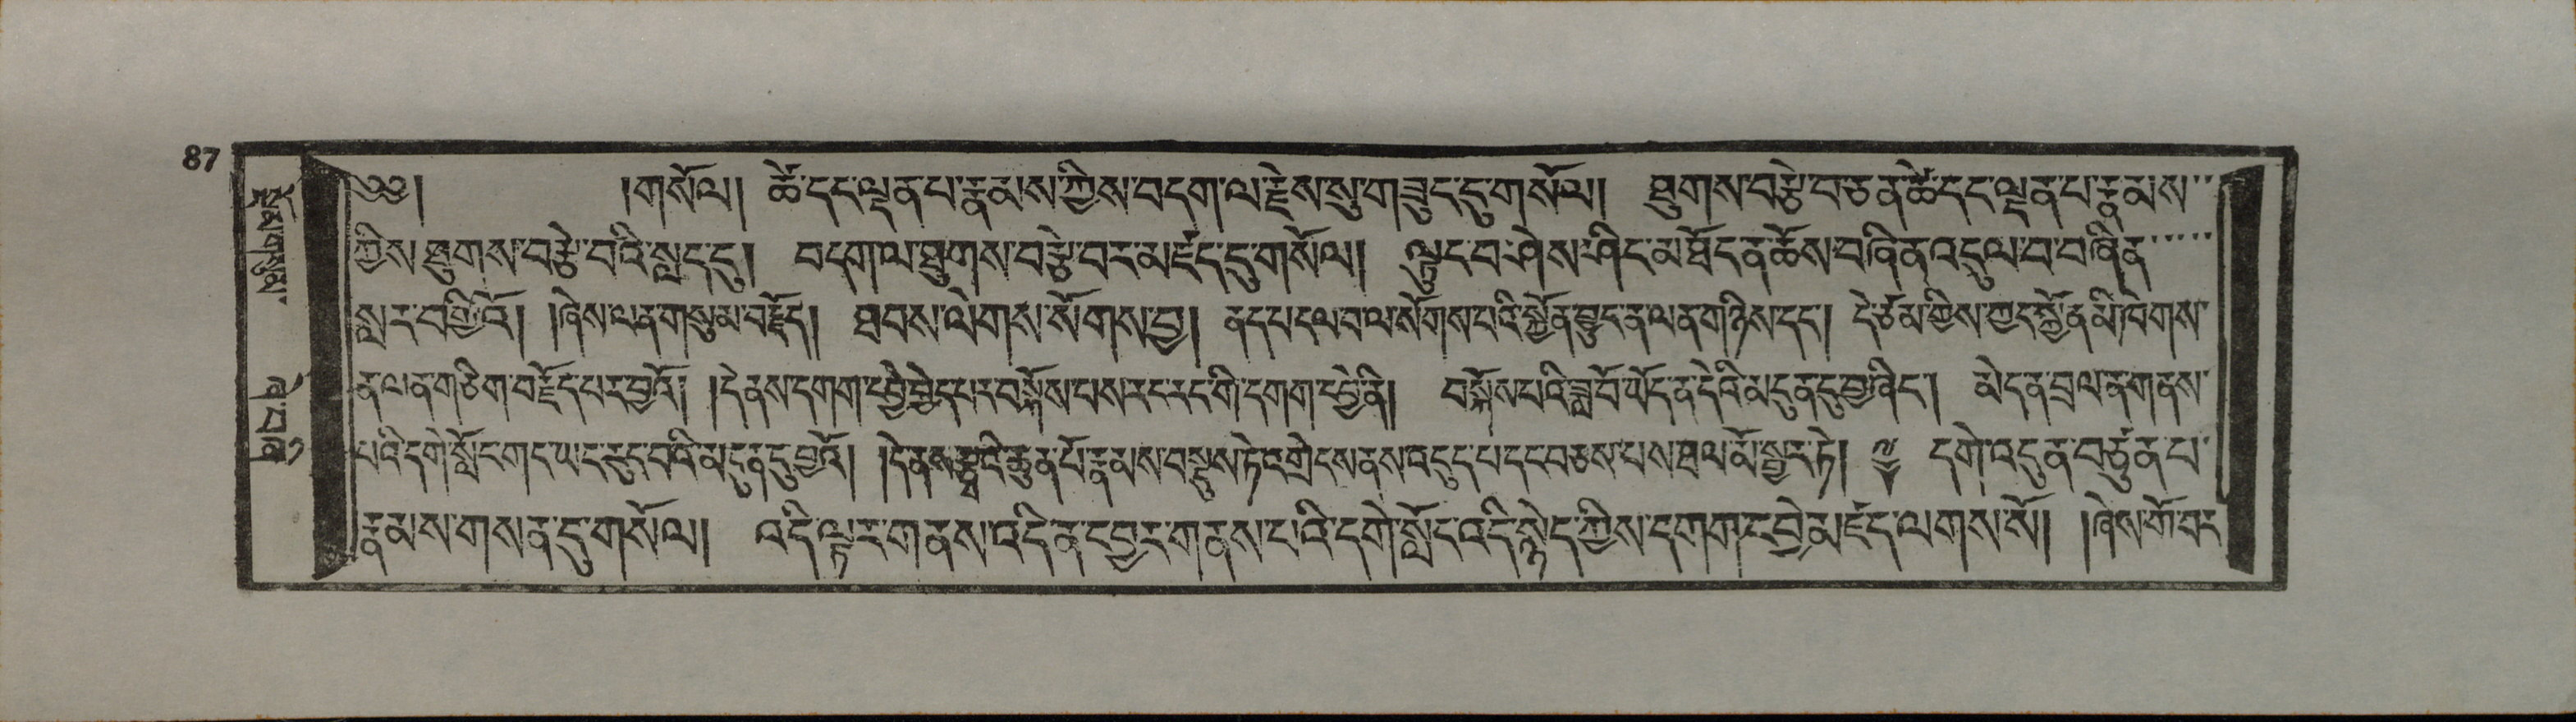༄༅། །གསོལ། ཚེ་དང་ལྡན་པ་རྣམས་ཀྱིས་བདག་ལ་རྗེས་སུ་གཟུང་དུ་གསོལ། ཐུགས་བརྩེ་བ་ཅན་ཚེ་དང་ལྡན་པ་རྣམས་
ཀྱིས་ཐུགས་བརྩེ་བའི་སླད་དུ། བདག་ལ་ཐུགས་བརྩེ་བར་མཛད་དུ་གསོལ། ལྟུང་བ་ཤེས་ཤིང་མཐོང་ན་ཆོས་བཞིན་འདུལ་བ་བཞིན་
སླར་བགྱིའོ། །ཞེས་ལན་གསུམ་བརྗོད།  ཐབས་ལེགས་སོགས་བྱ། ནད་པ་ངལ་བ་ལ་སོགས་པའི་སྐྱོན་བྱུང་ན་ལན་གཉིས་དང་། དེ་ཙམ་གྱིས་ཀྱང་སྐྱོན་མི་ཁེགས་
ན་ལན་གཅིག་བརྗོད་པར་བྱའོ། །དེ་ནས་དགག་དབྱེ་བྱེད་པར་བསྐོས་པས་རང་རང་གི་དགག་དབྱེ་ནི། བསྐོས་པའི་ཟླ་བོ་ཡོད་ན་དེའི་མདུན་དུ་བྱ་ཞིང་། མེད་ན་བྲལ་ན་གནས་
པའི་དགེ་སློང་གང་ཡང་རུང་བའི་མདུན་དུ་བྱའོ། །དེ་ནས་རྩྭའི་ཆུན་པོ་རྣམས་བསྡུས་ཏེ་འགྲེངས་ནས་འདུད་པ་དང་བཅས་པས་ཐལ་མོ་སྦྱར་ཏེ། ༈ དགེ་འདུན་བཙུན་པ་
རྣམས་གསན་དུ་གསོལ། འདི་ལྟར་གནས་འདི་ན་དབྱར་གནས་པའི་དགེ་སློང་འདི་སྙེད་ཀྱིས་དགག་དབྱེ་མཛད་ལགས་སོ། །ཞེས་གོ་བར་